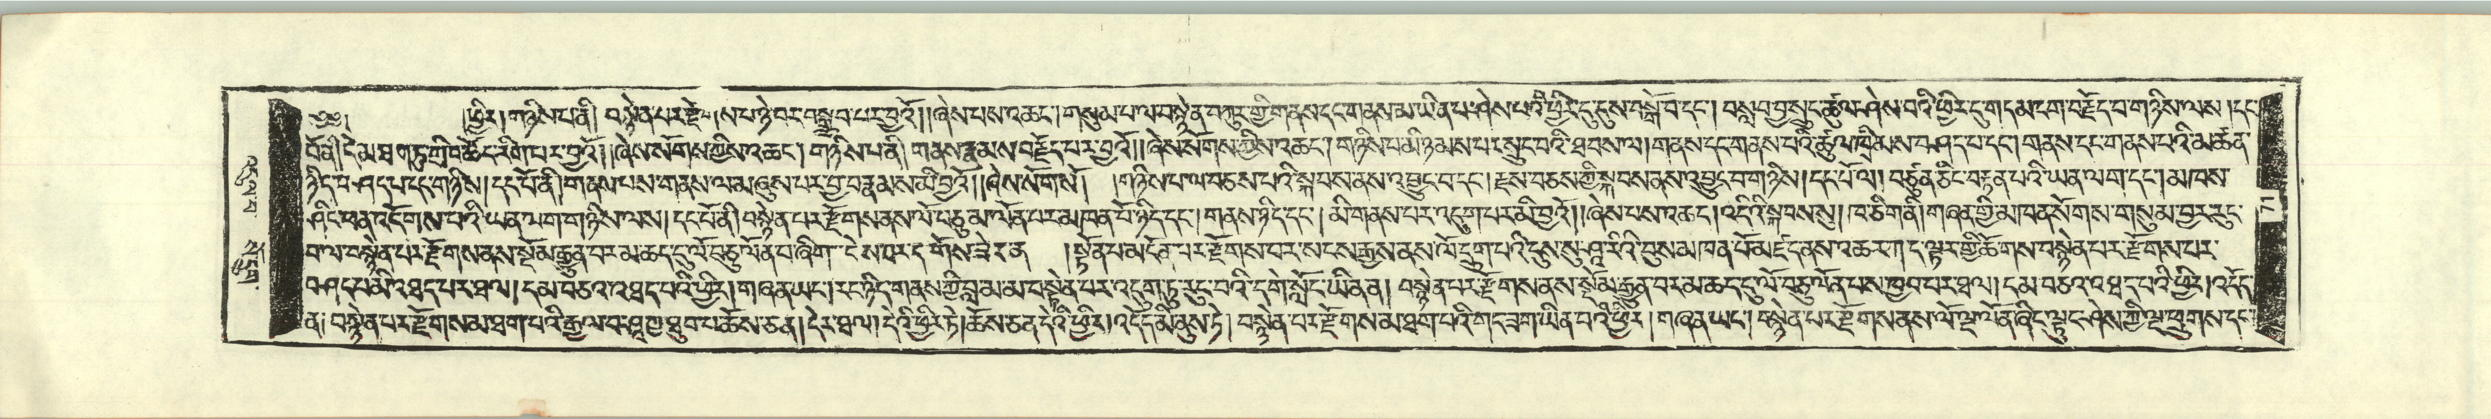༄༅། །ཕྱིར། གཉིས་པ་ནི། བསྙེན་པར་རྫོགས་པ་ཉེ་བར་བསྒྲུབ་པར་བྱའོ། །ཞེས་པས་འཆང་། གསུམ་པ་ལ་བསྙེན་བཀུར་གྱི་གནས་དང་གནས་མ་ཡིན་པ་ཤེས་པའི་ཕྱིར་དུ་དུས་བསྒོ་བ་དང་། བསླབ་བྱ་སྲུང་ཚུལ་ཤེས་པའི་ཕྱིར་དུ་གདམ་ངག་བརྗོད་པ་གཉིས་ལས། དང་
པོ་ནི། དེ་མ་ཐག་ཏུ་གྲིབ་ཚོང་རིག་པར་བྱའོ། །ཞེས་སོགས་ཀྱིས་འཆང་། གཉིས་པ་ནི། གནས་རྣམས་བརྗོད་པར་བྱའོ། །ཞེས་སོགས་ཀྱིས་འཆང་། གཉིས་པ་མི་ཉམས་པར་སྲུང་བའི་ཐབས་ལ། གནས་དང་གནས་པའི་ཚུལ་ཁྲིམས་བཤད་པ་དང་། གནས་དང་གནས་པའི་མཚན་
ཉིད་བཤད་པ་དང་གཉིས། དང་པོ་ནི། གནས་པས་གནས་ལ་མ་ཞུས་པར་བྱ་བ་རྣམས་མི་བྱའོ། །ཞེས་སོགས་སོ། །གཉིས་པ་ལ་བཅས་པའི་སྐབས་ནས་འབྱུང་བ་དང་། རྫས་བཅས་ཀྱི་སྐབས་ནས་འབྱུང་བ་གཉིས། དང་པོ་ལ། བཙུན་ཅིང་བརྟན་པའི་ཡན་ལག་དང་། མཁས་
ཤིང་ཕན་འདོགས་པའི་ཡན་ལག་གཉིས་ལས། དང་པོ་ནི། བསྙེན་པར་རྫོགས་ནས་ལོ་བཅུ་མ་ལོན་པར་མཁན་པོ་ཉིད་དང་། གནས་ཉིད་དང་། མི་གནས་པར་འདུག་པར་མི་བྱའོ། །ཞེས་པས་འཆད། འདིའི་སྐབས་སུ། ཁ་ཅིག་ནི། གཞན་གྱི་མཁན་སོགས་གསུམ་བྱར་རུང་
བ་ལ་བསྙེན་པར་རྫོགས་ནས་སྡོམ་རྒྱུན་བར་མ་ཆད་དུ་ལོ་བཅུ་ལོན་བ་ཞིག་ངེས་པར་དགོས་ཟེར་ན་།སྟོན་པ་མངོན་པར་རྫོགས་པར་སངས་རྒྱས་ནས་ལོ་དྲུག་པའི་དུས་སུ་ཤཱ་རིའི་བུས་མཁན་པོ་མཛད་ནས་འཆར་ཀ་ད་ལྟར་གྱི་ཆོ་གས་བསྙེན་པར་རྫོགས་པར་
བཤད་པ་མི་འཐད་པར་ཐལ། དམ་བཅའ་འཐད་པའི་ཕྱིར། གཞན་ཡང་། རང་ཉིད་གནས་ཀྱི་བླ་མ་མ་བསྟེན་པར་འདུག་ཏུ་རུང་བའི་དགེ་སློང་ཡིན་ན། བསྙེན་པར་རྫོགས་ནས་སྡོམ་རྒྱུན་བར་མ་ཆད་དུ་ལོ་བཅུ་ལོན་པས་ཁྱབ་པར་ཐལ། དམ་བཅའ་འཐད་པའི་ཕྱིར། འདོད་
ན༑ བསྙེན་པར་རྫོགས་མ་ཐག་པའི་རྒྱལ་བ་ཤཱཀྱ་ཐུབ་པ་ཆོས་ཅན། དེར་ཐལ། དེའི་ཕྱིར་ཏེ། ཆོས་ཅན་དེའི་ཕྱིར། འདོད་མི་ནུས་ཏེ། བསྙེན་པར་རྫོགས་མ་ཐག་པའི་གང་ཟག་ཡིན་པའི་ཕྱིར། གཞན་ཡང་། བསྙེན་པར་རྫོགས་ནས་ལོ་ལྔ་ལོན་ཞིང་ལྟུང་ཤེས་ཀྱི་ལྔ་ཕྲུགས་དང་།